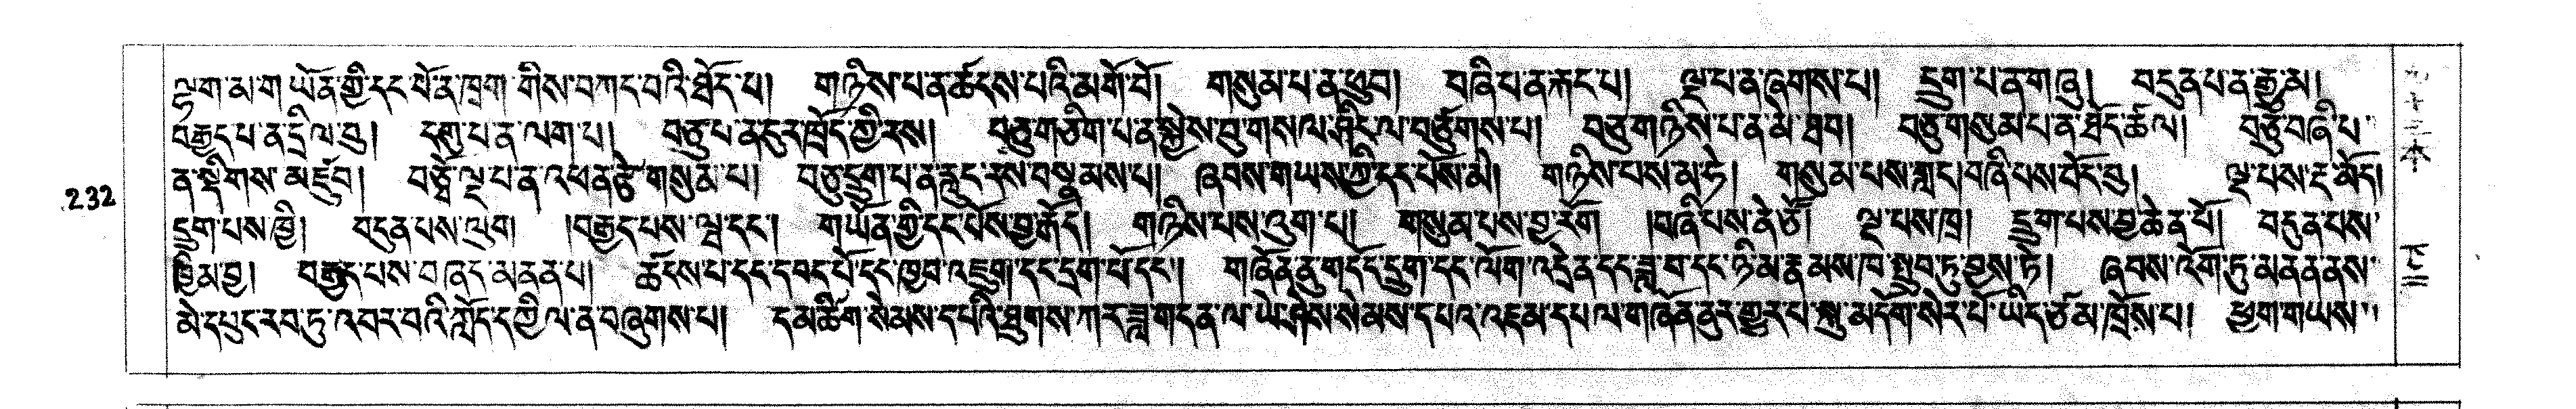ལྷག་མ་གཡོན་གྱི་དང་པོ་ན་ཁྲག་གིས་བཀང་བའི་ཐོད་པ། གཉིས་པ་ན་ཚངས་པའི་མགོ་བོ། གསུམ་པ་ན་ཕུབ། བཞི་པ་ན་རྐང་པ། ལྔ་པ་ན་ཞགས་པ། དྲུག་པ་ན་གཞུ། བདུན་པ་ན་རྒྱུ་མ།
བརྒྱད་པ་ན་དྲིལ་བུ། དགུ་པ་ན་ལག་པ། བཅུ་པ་ན་དུར་ཁྲོད་ཀྱི་རས། བཅུ་གཅིག་པ་ན་སྐྱེས་བུ་གསལ་ཤིང་ལ་བཙུགས་པ། བཅུ་གཉིས་པ་ན་མེ་ཐབ། བཅུ་གསུམ་པ་ན་ཐོང་ཚལ། བཅུ་བཞི་པ་
ན་སྡིགས་མཛུབ། བཅྭོ་ལྔ་པ་ན་འཕན་རྩེ་གསུམ་པ། བཅུ་དྲུག་པ་ན་རླུང་རས་བསྣམས་པ། ཞབས་གཡས་ཀྱི་དང་པོས་མེ། གཉིས་པས་མ་ཧེ། གསུམ་པས་གླང་། བཞི་པས་བོང་བུ། ལྔ་པས་རྔ་མོད།
དྲུག་པས་ཁྱི། བདུན་པས་ལུག །བརྒྱད་པས་ལྦ་དང་། གཡོན་གྱི་དང་པོས་བྱ་རྒོད། གཉིས་པས་འུག་པ། གསུམ་པས་བྱ་རོག །བཞི་པས་ནེ་ཙོ། ལྔ་པས་ཁྲ། དྲུག་པས་བྱ་ཆེན་པོ། བདུན་པས་
ཁྱིམ་བྱ། བརྒྱད་པས་བཞད་མནན་པ། ཚངས་པ་དང་དབང་པོ་དང་ཁྱབ་འཇུག་དང་དྲག་པོ་དང་། གཞོན་ནུ་གདོང་དྲུག་དང་ལོག་འདྲེན་དང་ཟླ་བ་དང་ཉི་མ་རྣམས་ཁ་སྤུབ་ཏུ་བྱས་ཏེ། ཞབས་འོག་ཏུ་མནན་ནས་
མེ་དཔུང་རབ་ཏུ་འབར་བའི་ཀློང་དཀྱིལ་ན་བཞུགས་པ། དམ་ཚིག་སེམས་དཔའི་ཐུགས་ཀར་ཟླ་གདན་ལ་ཡེ་ཤེས་སེམས་དཔའ་འཇམ་དཔལ་གཞོན་ནུར་གྱུར་པ་སྐུ་མདོག་སེར་པོ་ཡིད་ཙམ་ཁྲོས་པ། ཕྱག་གཡས་